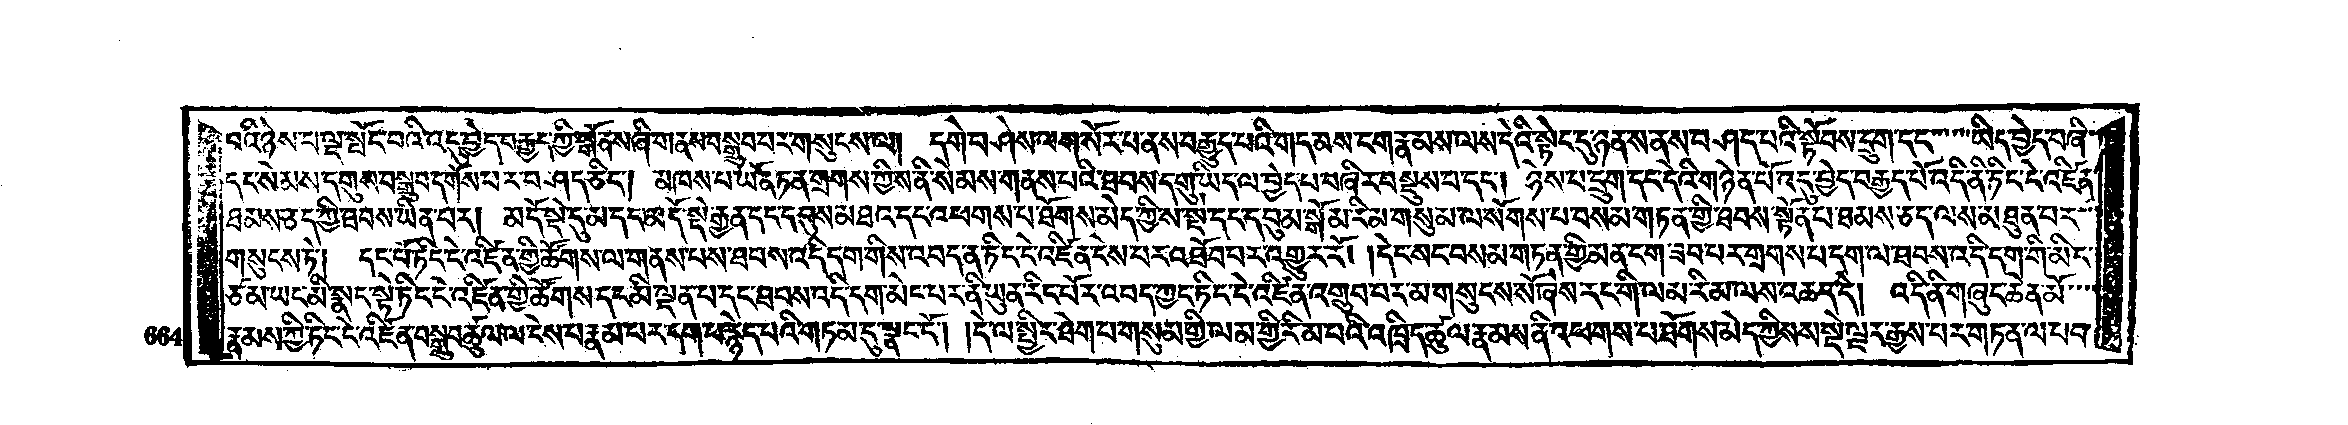པའི་ཉེས་པ་ལྔ་སྤོང་བའི་འདུ་བྱེད་བརྒྱད་ཀྱི་སྒོ་ནས་ཞི་གནས་བསྒྲུབ་པར་གསུངས་ལ། དགེ་བཤེས་ལག་སོར་པ་ནས་བརྒྱུད་པའི་གདམས་ངག་རྣམས་ལས་དེའི་སྟེང་དུ་ཉན་ས་ནས་བཤད་པའི་སྟོབས་དྲུག་དང་ཡིད་བྱེད་བཞི་
དང་སེམས་དགུས་བསྒྲུབ་དགོས་པར་བཤད་ཅིང་། མཁས་པ་ཡོན་ཏན་གྲགས་ཀྱིས་ནི་སེམས་གནས་པའི་ཐབས་དགུ་ཡིད་ལ་བྱེད་པ་བཞིར་བསྡུས་པ་དང་། ཉེས་པ་དྲུག་དང་དེའི་གཉེན་པོ་འདུ་བྱེད་བརྒྱད་པོ་འདི་ནི་ཏིང་ངེ་འཛིན་
ཐམས་ཅད་ཀྱི་ཐབས་ཡིན་པར། མདོ་སྡེ་དུ་མ་དང་མདོ་སྡེ་རྒྱན་དང་དབུས་མཐའ་དང་འཕགས་པ་ཐོགས་མེད་ཀྱི་ས་སྡེ་དང་དབུ་མ་སྒོམ་རིམ་གསུམ་ལ་སོགས་པ་བསམ་གཏན་གྱི་ཐབས་སྟོན་པ་ཐམས་ཅད་ལས་མཐུན་པར་
གསུངས་ཏེ། དང་པོ་ཏིང་ངེ་འཛིན་གྱི་ཚོགས་ལ་གནས་པས་ཐབས་འདི་དག་གིས་འབད་ན་ཏིང་ངེ་འཛིན་ངེས་པར་འཐོབ་པར་འགྱུར་རོ། །དེང་སང་བསམ་གཏན་གྱི་མན་ངག་ཟབ་པར་གྲགས་པ་དག་ལ་ཐབས་འདི་དག་གི་མིང་
ཙམ་ཡང་མི་སྣང་སྟེ་ཏིང་ངེ་འཛིན་གྱི་ཚོགས་དང་མི་ལྡན་པ་དང་ཐབས་འདི་དག་མེད་པར་ནི་ཡུན་རིང་པོར་འབད་ཀྱང་ཏིང་ངེ་འཛིན་འགྲུབ་པར་མ་གསུངས་སོ་ཞེས་རང་གི་ལམ་རིམ་ལས་འཆད་དེ། འདི་ནི་གཞུང་ཆེན་མོ་
རྣམས་ཀྱི་ཏིང་ངེ་འཛིན་བསྒྲུབ་ཚུལ་ལ་ངེས་པ་རྣམ་པར་དག་པ་རྙེད་པའི་གཏམ་དུ་སྣང་ངོ། །དེ་ལ་སྤྱིར་ཐེག་པ་གསུམ་གྱི་ལམ་གྱི་རིམ་པའི་འཁྲིད་ཚུལ་རྣམས་ནི་འཕགས་པ་ཐོགས་མེད་ཀྱིས་ས་སྡེ་ལྔར་རྒྱས་པར་གཏན་ལ་ཕབ་